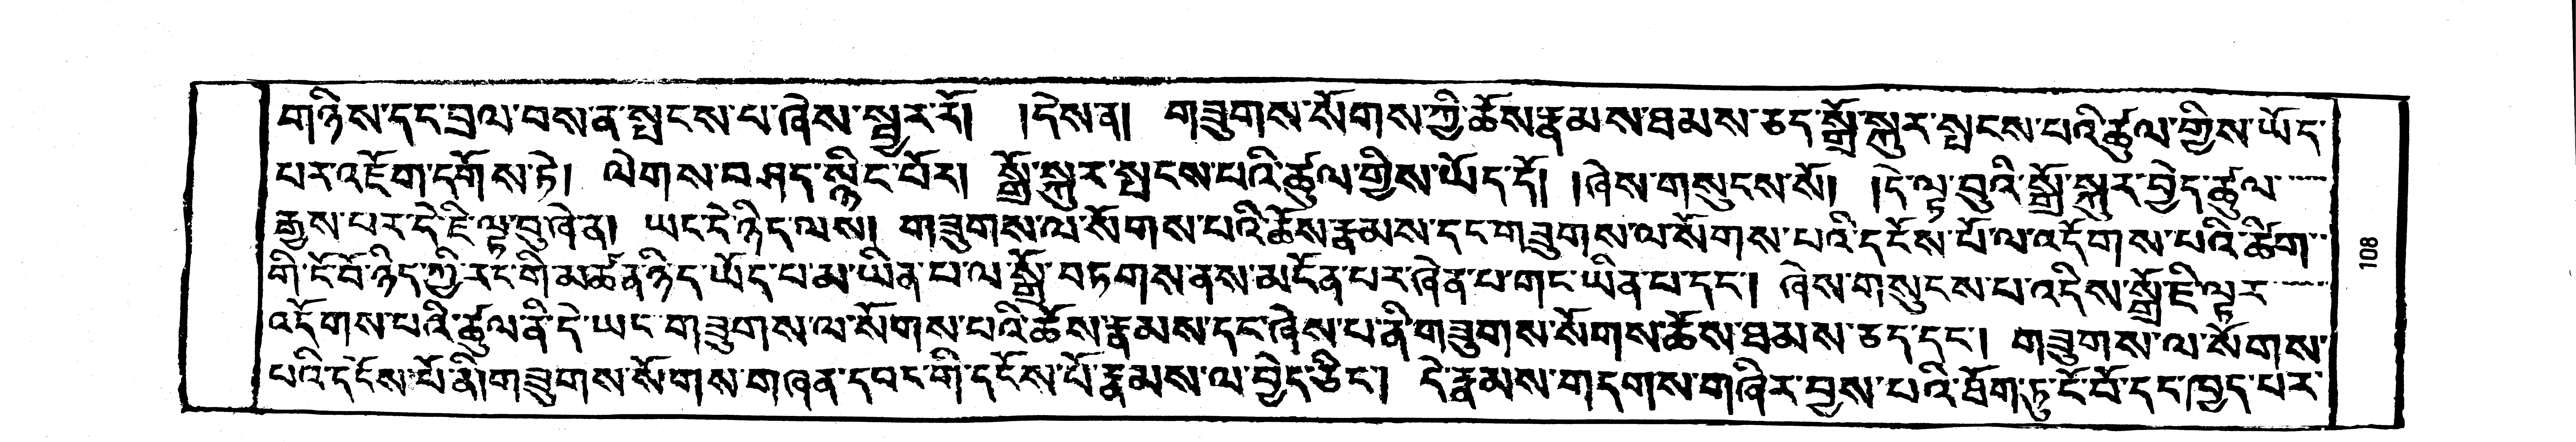གཉིས་དང་བྲལ་བས་ན་སྤངས་པ་ཞེས་སྦྱར་རོ། །དེས་ན། གཟུགས་སོགས་ཀྱི་ཆོས་རྣམས་ཐམས་ཅད་སྒྲོ་སྐུར་སྤངས་པའི་ཚུལ་གྱིས་ཡོད་
པར་འཇོག་དགོས་ཏེ། ལེགས་བཤད་སྙིང་པོར། སྒྲོ་སྐུར་སྤངས་པའི་ཚུལ་གྱིས་ཡོད་དོ། །ཞེས་གསུངས་སོ། །དེ་ལྟ་བུའི་སྒྲོ་སྐུར་བྱེད་ཚུལ་
རྒྱས་པར་དེ་ཇི་ལྟ་བུ་ཞེ་ན། ཡང་དེ་ཉིད་ལས། གཟུགས་ལ་སོགས་པའི་ཆོས་རྣམས་དང་གཟུགས་ལ་སོགས་པའི་དངོས་པོ་ལ་འདོགས་པའི་ཚིག་
གི་ངོ་བོ་ཉིད་ཀྱི་རང་གི་མཚན་ཉིད་ཡོད་པ་མ་ཡིན་པ་ལ་སྒྲོ་བཏགས་ནས་མངོན་པར་ཞེན་པ་གང་ཡིན་པ་དང་། ཞེས་གསུངས་པ་འདིས་སྒྲོ་ཇི་ལྟར་
འདོགས་པའི་ཚུལ་ནི་དེ་ཡང་གཟུགས་ལ་སོགས་པའི་ཆོས་རྣམས་དང་ཞེས་པ་ནི་གཟུགས་སོགས་ཆོས་ཐམས་ཅད་དང་། གཟུགས་ལ་སོགས་
པའི་དངོས་པོ་ནི། གཟུགས་སོགས་གཞན་དབང་གི་དངོས་པོ་རྣམས་ལ་བྱེད་ཅིང་། དེ་རྣམས་གདགས་གཞིར་བྱས་པའི་ཐོག་ཏུ་ངོ་བོ་དང་ཁྱད་པར་